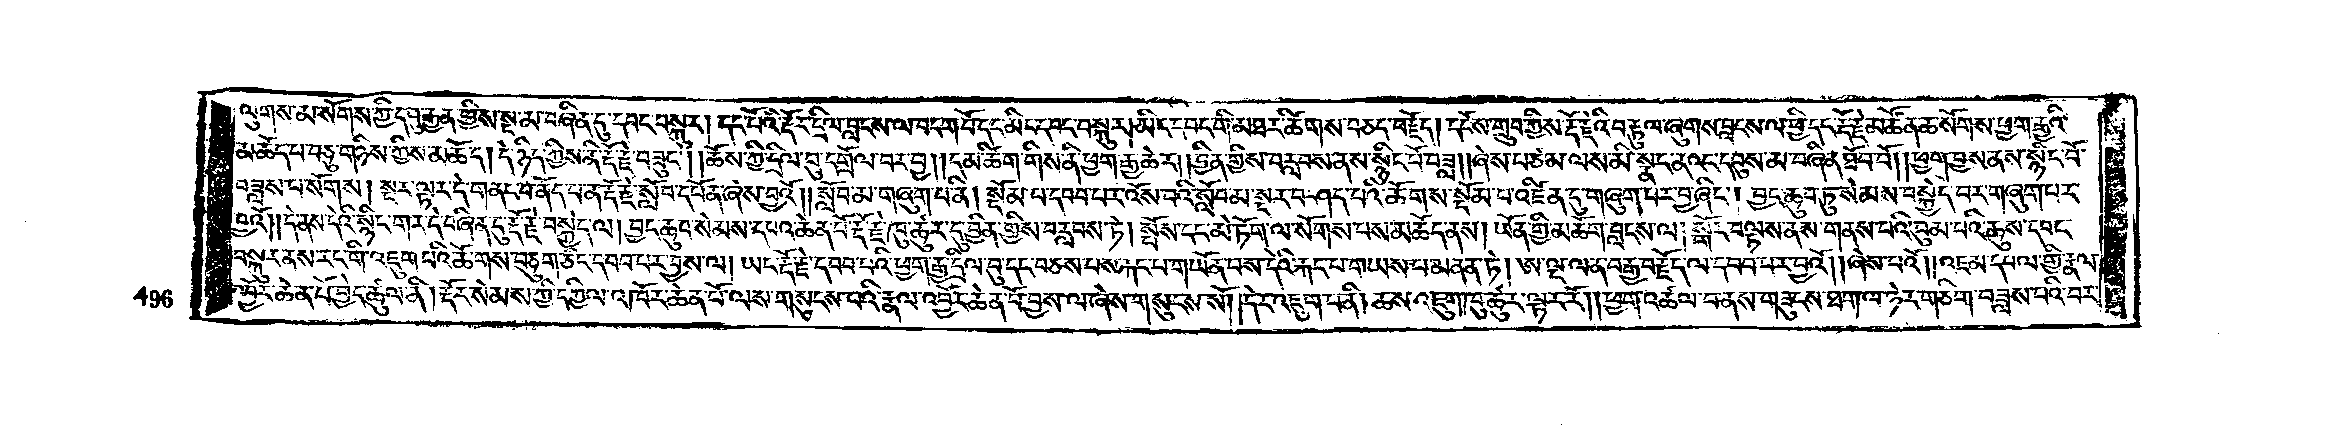ལུགས་མ་སོགས་ཀྱི་དབུ་རྒྱན་གྱིས་སྔ་མ་བཞིན་དུ་དབང་བསྐུར། དང་པོའི་རྡོར་དྲིལ་བླངས་ལ་བདག་པོ་དང་མིང་དབང་བསྐུར། མིང་དབང་གི་མཐར་ཚིགས་བཅད་བརྗོད། དངོས་གྲུབ་ཀྱིས་རྡོ་རྗེའི་བརྟུལ་ཞུགས་བླངས་ལ་ཕྱི་དང་རྡོ་རྗེ་མཚོན་ཆ་སོགས་ཕྱག་རྒྱའི་
མཆོད་པ་བཅུ་གཉིས་ཀྱིས་མཆོད། དེ་ཉིད་ཀྱིས་ནི་རྡོ་རྗེ་བཟུང་། །ཆོས་ཀྱི་དྲིལ་བུ་དགྲོལ་བར་བྱ། །དམ་ཚིག་གིས་ནི་ཕྱག་རྒྱ་ཆེར། །བྱིན་གྱིས་བརླབས་ནས་སྙིང་པོ་བཟླ། །ཞེས་པ་ཙམ་ལས་མི་སྣང་ནའང་དབུས་མ་བཞིན་ཐོབ་བོ། །ཕྱག་བྱས་ནས་སྙིང་པོ་
བཟླས་པ་སོགས། སྔར་ལྟར་དེ་གནང་བ་ནོད་པ་ན་རྡོ་རྗེ་སློབ་དཔོན་ཞེས་བྱའོ། །སློབ་མ་གཞུག་པ་ནི། སྡོམ་པ་དབབ་པར་འོས་བའི་སློབ་མ་སྔར་བཤད་པའི་ཆོ་གས་སྡོམ་པ་འཛིན་དུ་གཞུག་པར་བྱ་ཞིང་། བྱང་ཆུབ་ཏུ་སེམས་བསྐྱེད་བར་གཞུག་པར་
བྱའོ། །དེ་ནས་དེའི་སྙིང་གར་དེ་བཞིན་དུ་རྡོ་རྗེ་བསྐྱེད་ལ། བྱང་ཆུབ་སེམས་དཔའ་ཆེན་པོ་རྡོ་རྗེ་ཁུ་ཚུར་དུ་བྱིན་གྱིས་བརླབས་ཏེ། སྤོས་དང་མེ་ཏོག་ལ་སོགས་པས་མཆོད་ནས། ཡོན་གྱི་མཆོག་བླངས་ལ། སྒོར་བལྟས་ནས་གནས་པའི་བུམ་པའི་ཆུས་དབང་
བསྐུར་ནས་རང་གི་འཇུག་པའི་ཆོ་གས་བཅུག་ཅིང་དབབ་པར་བྱས་ལ། ཡང་རྡོ་རྗེ་དབབ་པའི་ཕྱག་རྒྱ་དྲིལ་བུ་དང་བཅས་པས་རྐང་པ་གཡོན་པས་དེའི་རྐང་པ་གཡས་པ་མནན་ཏེ། ཨ་ལྔ་ལན་བརྒྱ་བརྗོད་ལ་དབབ་པར་བྱའོ། །ཞེས་པའོ། །འཇམ་དཔལ་གྱི་རྣལ་
འབྱོར་ཆེན་པོ་བྱེད་ཚུལ་ནི། རྡོར་སེམས་ཀྱི་དཀྱིལ་འཁོར་ཆེན་པོ་ལས་གསུངས་པའི་རྣལ་འབྱོར་ཆེན་པོ་བྱས་ལ་ཞེས་གསུངས་སོ། །དེར་འཇུག་པ་ནི། ཆས་འཇུག་ཁུ་ཚུར་ལྟར་རོ། །ཕྱག་འཚལ་བ་ནས་གཟུངས་ཐག་ལ་ཉེར་གཅིག་བཟླས་པའི་བར་